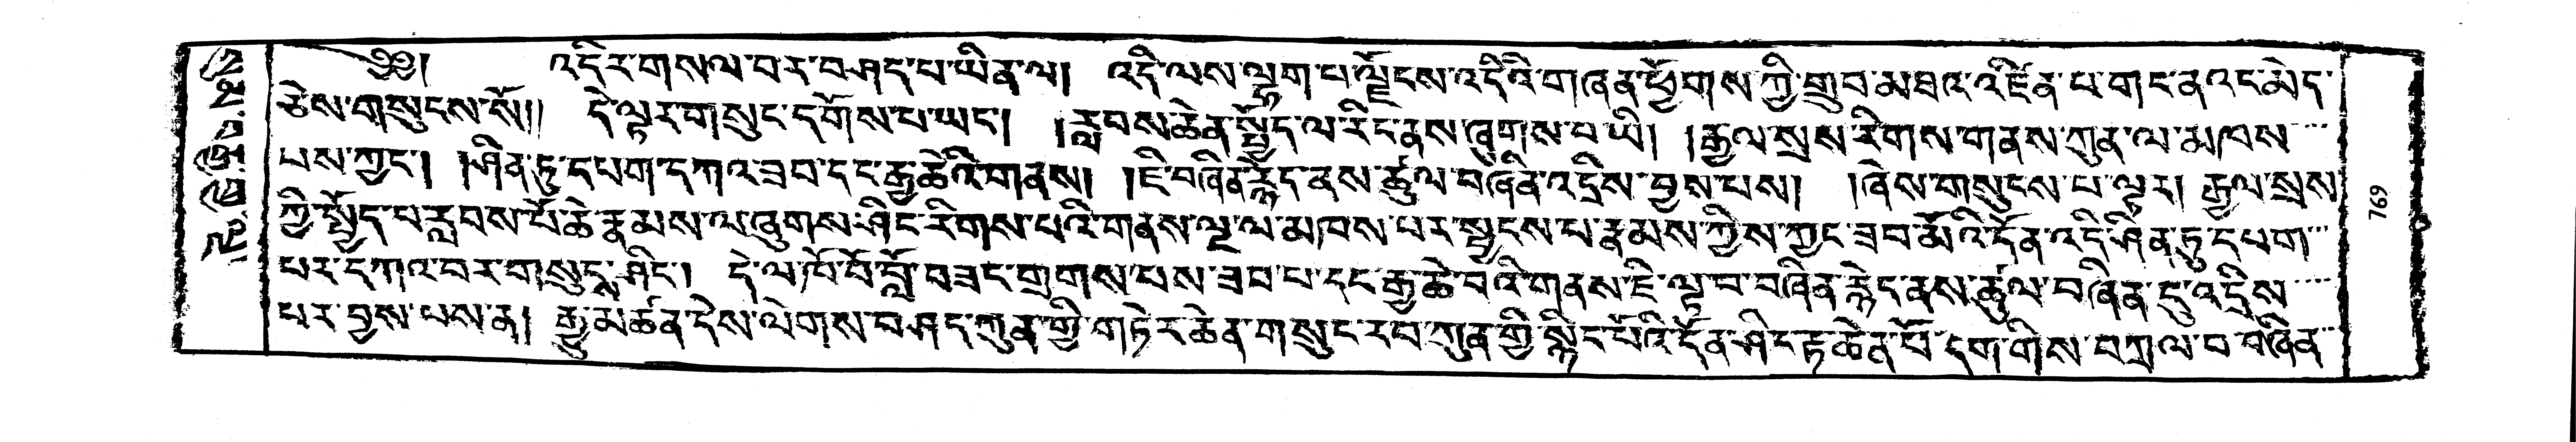༄༅། །འདིར་གསལ་བར་བཤད་པ་ཡིན་ལ། འདི་ལས་ལྷག་པ་ལྗོངས་འདིའི་གཞན་ཕྱོགས་ཀྱི་གྲུབ་མཐའ་འཛིན་པ་གང་ནའང་མེད་
ཅེས་གསུངས་སོ།། དེ་ལྟར་གསུང་དགོས་པ་ཡང་། །རླབས་ཆེན་སྤྱོད་ལ་རིང་ནས་ཞུགས་པ་ཡི། །རྒྱལ་སྲས་རིགས་གནས་ཀུན་ལ་མཁས་
པས་ཀྱང་། །ཤིན་ཏུ་དཔག་དཀའ་ཟབ་དང་རྒྱ་ཆེའི་གནས། །ཇི་བཞིན་རྙེད་ནས་ཚུལ་བཞིན་འདྲིས་བྱས་པས། །ཞེས་གསུངས་པ་ལྟར། རྒྱལ་སྲས་
ཀྱི་སྤྱོད་པ་རླབས་པོ་ཆེ་རྣམས་ལ་ཞུགས་ཤིང་རིགས་པའི་གནས་ལྔ་ལ་མཁས་པར་སྦྱངས་པ་རྣམས་ཀྱིས་ཀྱང་ཟབ་མོའི་དོན་འདི་ཤིན་ཏུ་དཔག་
པར་དཀའ་བར་གསུངས་ཤིང་། དེ་ལ་ཁོ་བོ་བློ་བཟང་གྲགས་པས་ཟབ་པ་དང་རྒྱ་ཆེ་བའི་གནས་ཇི་ལྟ་བ་བཞིན་རྙེད་ནས་ཚུལ་བཞིན་དུ་འདྲིས་
པར་བྱས་པས་ན། རྒྱུ་མཚན་དེས་ལེགས་བཤད་ཀུན་གྱི་གཏེར་ཆེན་གསུང་རབ་ཀུན་གྱི་སྙིང་པོའི་དོན་ཤིང་རྟ་ཆེན་པོ་དག་གིས་བཀྲལ་བ་བཞིན་